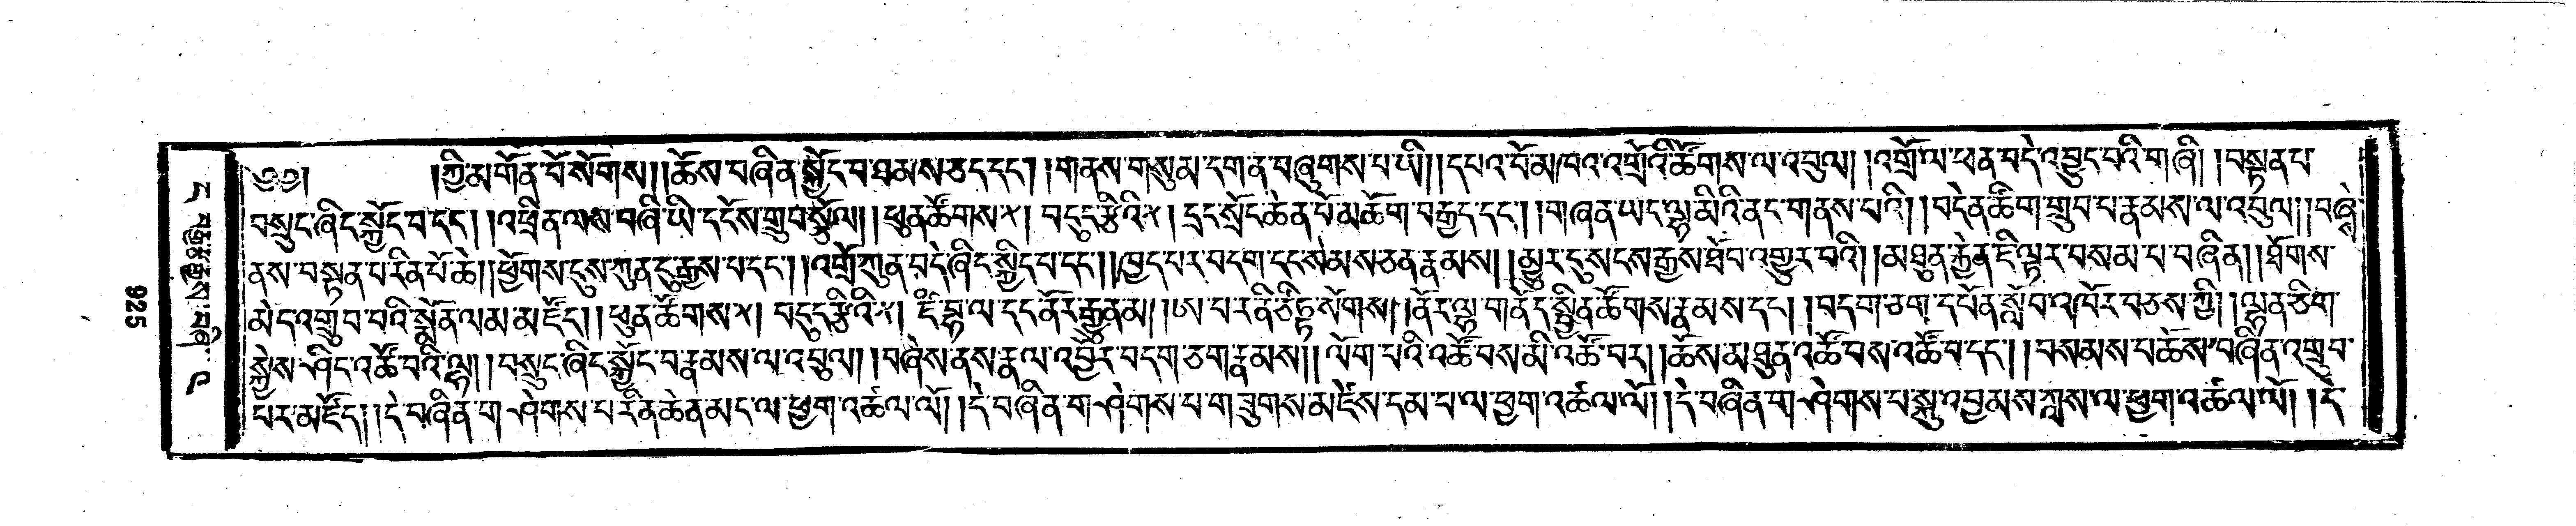༄༅། །ཀྱི་མགོན་པོ་སོགས། །ཆོས་བཞིན་སྐྱོང་བ་ཐམས་ཅད་དང་། །གནས་གསུམ་དག་ན་བཞུགས་པ་ཡི། །དཔའ་བོ་མཁའ་འགྲོའི་ཚོགས་ལ་འབུལ། །འགྲོ་ལ་ཕན་བདེ་འབྱུང་བའི་གཞི། །བསྟན་པ་
བསྲུང་ཞིང་སྐྱོང་བ་དང་། །འཕྲིན་ལས་བཞི་ཡི་དངོས་གྲུབ་སྩོལ། །ཕུན་ཚོགས་྾། བདུད་རྩིའི་྾། དྲང་སྲོང་ཆེན་པོ་མཆོག་བརྒྱད་དང་། །གཞན་ཡང་ལྷ་མིའི་ནང་གནས་པའི། །བདེན་ཚིག་གྲུབ་པ་རྣམས་ལ་འབུལ། །བཞེས་
ནས་བསྟན་པ་རིན་པོ་ཆེ། །ཕྱོགས་དུས་ཀུན་དུ་རྒྱས་པ་དང་། །འགྲོ་ཀུན་བདེ་ཞིང་སྐྱིད་པ་དང་། །ཁྱད་པར་བདག་དང་སེམས་ཅན་རྣམས། །མྱུར་དུ་སངས་རྒྱས་ཐོབ་འགྱུར་བའི། །མཐུན་རྐྱེན་ཇི་ལྟར་བསམ་པ་བཞིན། །ཐོགས་
མེད་འགྲུབ་པའི་སྨོན་ལམ་མཛོད། །ཕུན་ཚོགས་྾། བདུད་རྩིའི་྾། ཛཾ་བྷ་ལ་དང་ནོར་རྒྱུན་མ། །ཨ་པ་ར་ནི་ཙིཧྟ་སོགས། །ནོར་ལྷ་གནོད་སྦྱིན་ཚོགས་རྣམས་དང་། །བདག་ཅག་དཔོན་སློབ་འཁོར་བཅས་ཀྱི། །ལྷན་ཅིག་
སྐྱེས་ཤིང་འཚོ་བའི་ལྷ། །བསྲུང་ཞིང་སྐྱོང་བ་རྣམས་ལ་འབུལ། །བཞེས་ནས་རྣལ་འབྱོར་བདག་ཅག་རྣམས། །ལག་པའི་འཚོ་བས་མི་འཚོ་བར། །ཆོས་མཐུན་འཚོ་བས་འཚོ་བ་དང་། །བསམས་པ་ཆོས་བཞིན་འགྲུབ་
པར་མཛོད། །དེ་བཞིན་གཤེགས་པ་རིན་ཆེན་མང་ལ་ཕྱག་འཚལ་ལོ། །དེ་བཞིན་གཤེགས་པ་གཟུགས་མཛེས་དམ་པ་ལ་ཕྱག་འཚལ་ལོ། །དེ་བཞིན་གཤེགས་པ་སྐུ་འབྱམས་ཀླས་ལ་ཕྱག་འཚལ་ལོ། །དེ་